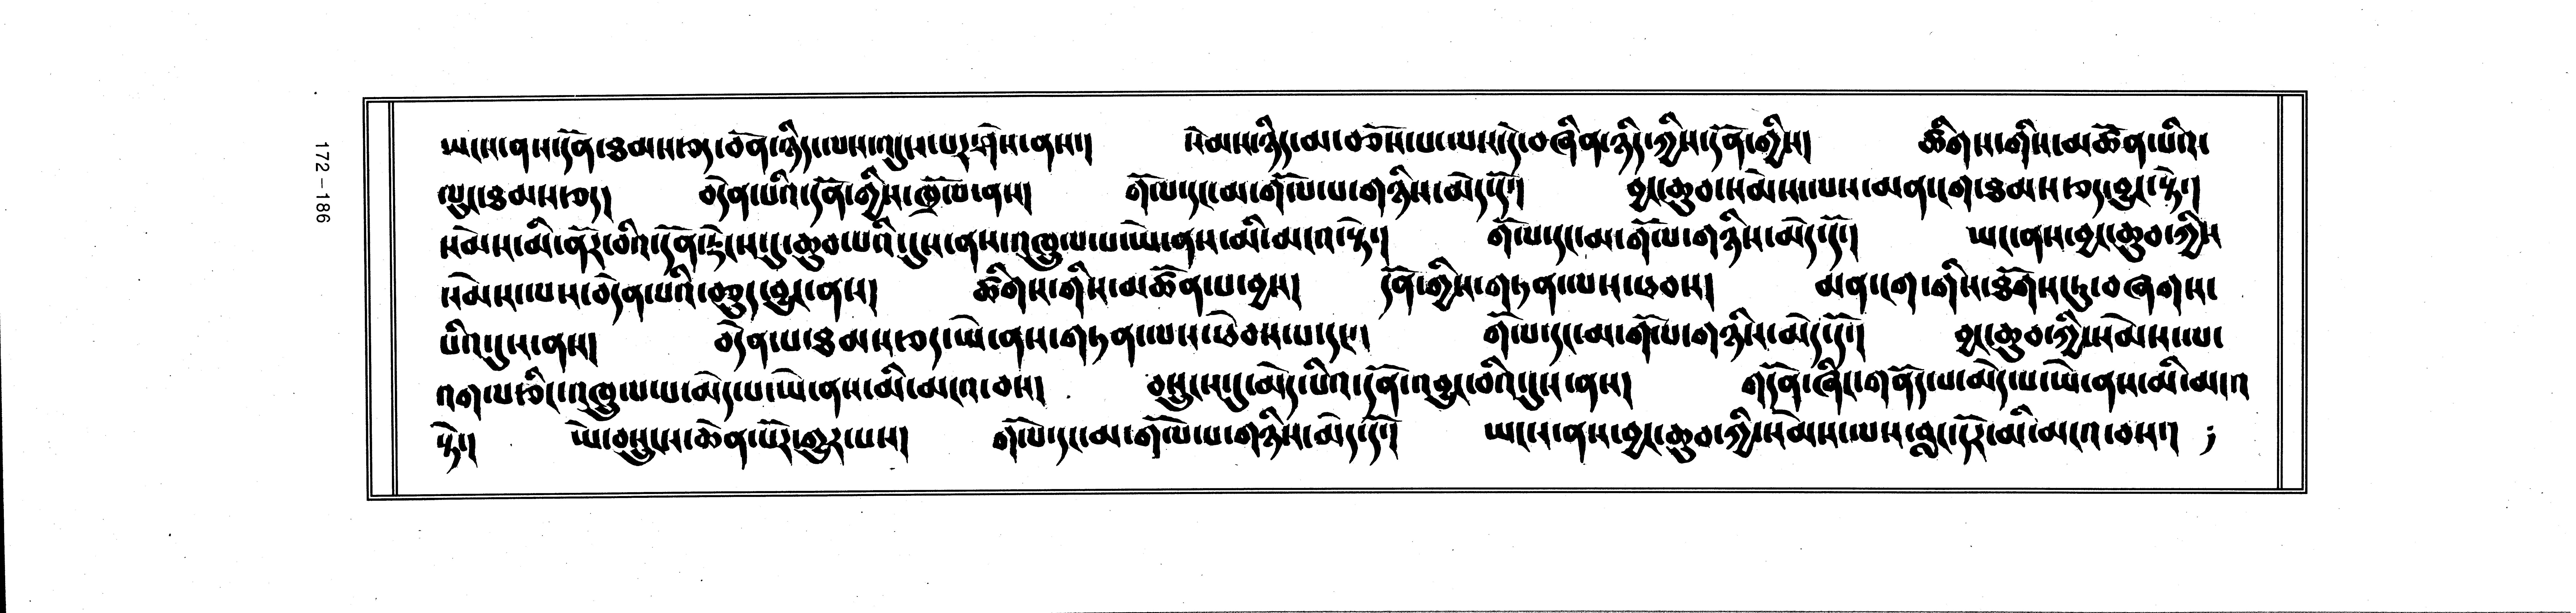ཡངས་ནས་དོན་ཐམས་ཅད་བོན་ཉིད་ལས་འདུས་པར་ཤེས་ནས། སེམས་ཉིད་མ་བཅོས་པ་ལས་དེ་བཞིན་ཉིད་ཀྱིས་དོན་གྱིས། ཚིག་གིས་མཚོན་པའི་
ལུང་ཐམས་ཅད། བདེན་པའི་དོན་གྱིས་ཁྲོལ་ནས། གོལ་དང་མ་གོལ་པ་གཉིས་མེད་དོ། བྱང་ཆུབ་སེམས་ལས་མན་ངག་ཐམས་ཅད་བྱུང་སྟེ། 
སེམས་མི་ནོར་བའི་དོན་གདེང་དུ་ཆུབ་པའི་དུས་ནས་འཁྲུལ་པ་ཡེ་ནས་མི་མངའ་སྟེ། གོལ་དང་མ་གོལ་གཉིས་མེད་དོ། ཡང་ནས་བྱང་ཆུབ་ཀྱིས་
སེམས་ལས་བདེན་པའི་བཅུད་བྱུང་ནས། ཚིག་གིས་མཚོན་པ་བྱས། དོན་གྱིས་གཏན་ལས་ཕབས། མན་ངག་གིས་ཐོགས་ཏུ་བཞགས་
པའི་དུས་ནས། བདེན་པ་ཐམས་ཅད་ཡེ་ནས་གཏན་ལས་ཕེབས་པ་དང་། གོལ་དང་མོ་གོལ་གཉིས་མེད་དོ། བྱང་ཆུབ་ཀྱིས་སེམས་ལ་
འགལ་ཅིང་འཁྲུལ་པ་མེད་པ་ཡེ་ནས་མི་མངའ་བས། བསྲུངས་དུ་མེད་པའི་དོན་འབྱུང་བའི་དུས་ནས། གདོན་ཞིང་གནོད་པ་མེད་པ་ཡེ་ནས་མི་མངའ་
སྟེ། ཡེ་བསྲུངས་ཆེན་པོར་གྱུར་པས། གོལ་དང་མ་གོལ་པ་གཉིས་མེད་དོ། ཡང་ནས་བྱང་ཆུབ་ཀྱིས་སེམས་ལས་བླང་དོར་མི་མངའ་བས།